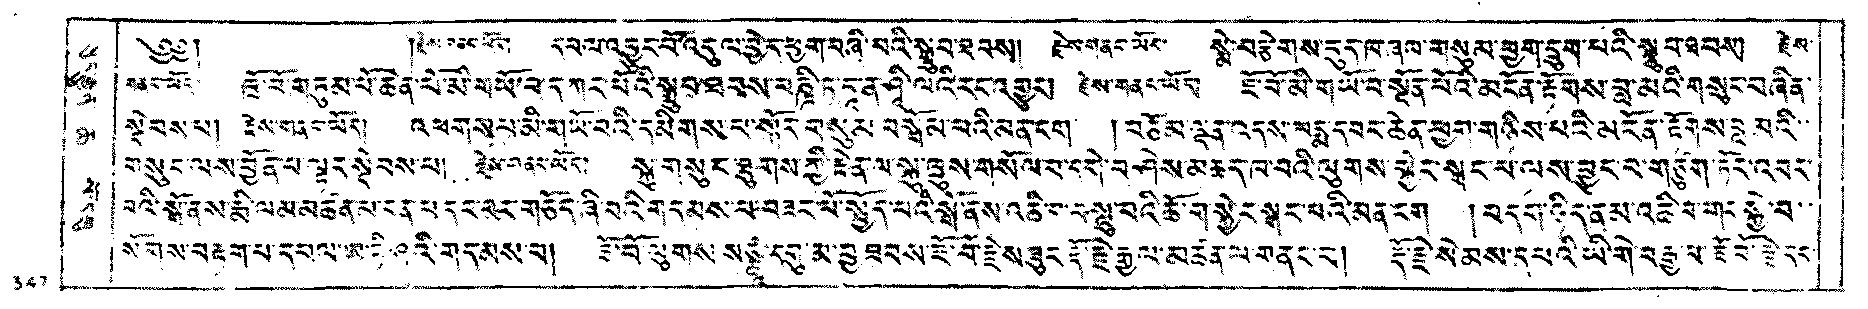༄༅། ། རྗེས་གནང་ཡོད།  དཔལ་འབྱུང་པོ་འདུལ་བྱེད་ཕྱག་བཞི་པའི་སྒྲུབ་ཐབས། རྗེས་གནང་ཡོད།  སྨེ་བརྩེགས་དུད་ཁ་ཞལ་གསུམ་ཕྱག་དྲུག་པའི་སྒྲུབ་ཐབས། རྗེས་
གནང་ཡོད། ཁྲོ་བོ་གཏུམ་པོ་ཆེན་པོ་མི་གཡོ་བ་དཀར་པོའི་སྒྲུབ་ཐབས་པཎྜི་ཏ་དཱ་ན་ཤཱི་ལའི་རང་འགྱུར། རྗེས་གནང་ཡོད།  ཇོ་བོ་མི་གཡོ་བ་སྔོན་པོའི་མངོན་རྟོགས་བླ་མའི་གསུང་བཞིན་
སྡེབས་པ། རྗེས་གནང་ཡོད།  འཕགས་པ་མི་གཡོ་བའི་དམིགས་པ་སྐོར་གསུམ་བསྒོམ་པའི་མན་ངག །བཅོམ་ལྡན་འདས་པདམ་དབང་ཆེན་ཕྱག་གཉིས་པའི་མངོན་རྟོགས་བླ་མའི་
གསུང་ལས་བྱོན་པ་ལྟར་སྡེབས་པ། རྗེས་གནང་ཡོད།  སྐུ་གསུང་ཐུགས་ཀྱི་རྟེན་ལ་སྐུ་ཁྲུས་གསོལ་བ་དགེ་བཤེས་མཆད་ཁ་བའི་ལུགས་སྐྱེར་སྒང་པ་ལས་བྱུང་བ་གཙུག་གཏོར་འབར་
བའི་སྒོ་ནས་རྨི་ལམ་མཚན་མ་ངན་པ་དང་བར་གཅོད་ཞི་བའི་གདམས་པ་བཟང་པོ་སྤྱོད་པའི་སྒོ་ནས་འཆི་བ་བསླུ་བའི་ཆོ་ག་སྐྱེར་སྒང་པའི་མན་ངག །བདག་ཉིད་ནམ་འཆི་བ་གར་སྐྱེ་བ་
སོགས་བརྟག་པ་དཔལ་ཨ་ཏི་ཤའི་གདམས་པ། ཇོ་བོ་ལུགས་སཙྪཱ་དགུ་མ་བྱ་ཐབས་ཇོ་བོ་རྗེས་ཟུར་རྡོ་རྗེ་རྒྱལ་མཚན་ལ་གནང་བ། རྡོ་རྗེ་སེམས་དཔའི་ཡི་གེ་བརྒྱ་པ་ཇོ་བོ་རྗེ་དང་